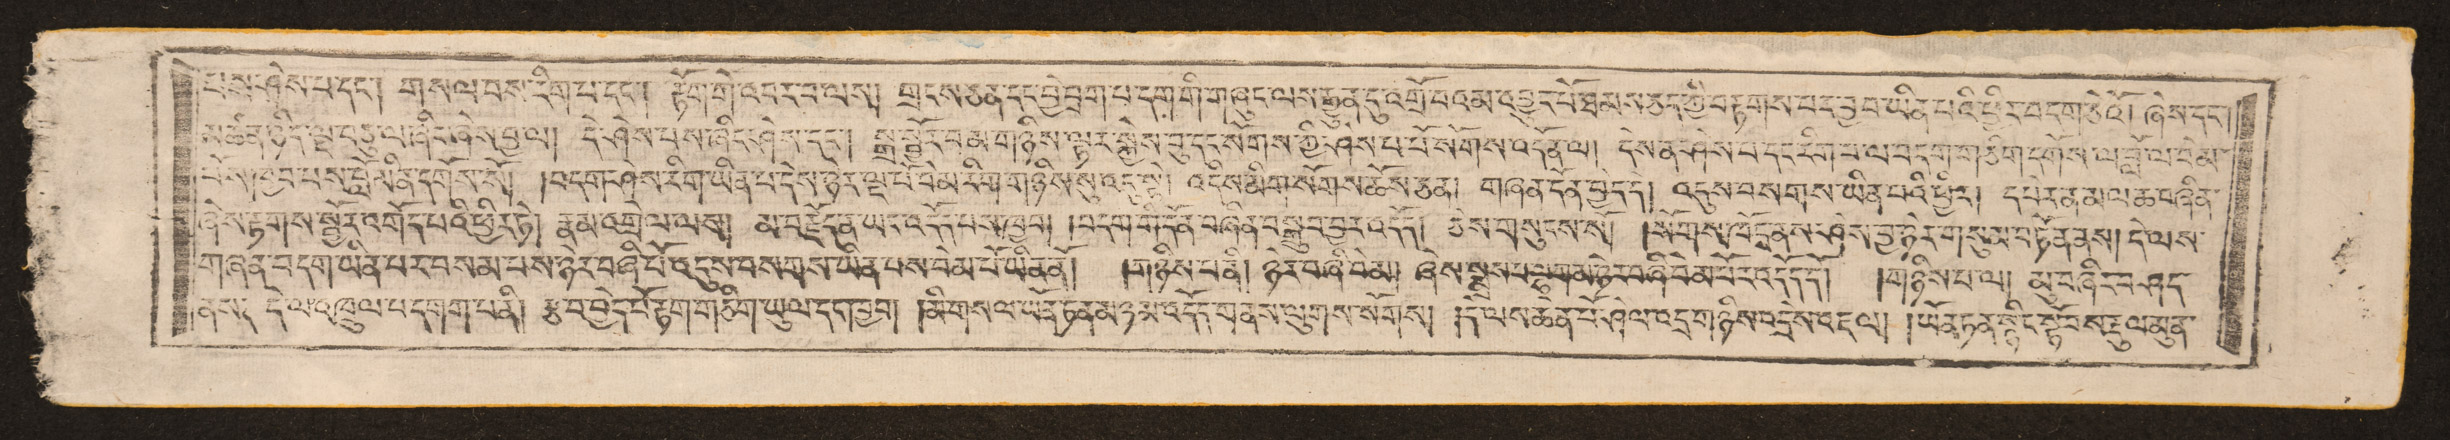པས་ཤེས་པ་དང་། གསལ་བས་རིག་པ་དང་། རྟོག་གེ་འབར་བ་ལས། གྲངས་ཅན་དང་བྱེ་བྲག་པ་དག་གི་གཞུང་ལས་རྒྱུན་དུ་འགྲོ་བའམ་འབྱུང་པོ་ཐམས་ཅད་ཀྱི་བརྟགས་པར་བྱ་བ་ཡིན་པའི་ཕྱིར་བདག་ཅེའོ། ཞེས་དང་།
མཚན་ཉིད་ལྔ་བཅུ་ལ་ཞིང་ཞེས་བྱ་ལ། དེ་ཤེས་པས་ཞིང་ཤེས་དང་། སྒྲ་སྦྱོར་བ་མ་གཉིས་ལྟར་སྐྱེས་བུ་དང་སོགས་ཀྱི་ཤེས་པ་པོ་སོགས་འདོན་ལ། དེས་ན་ཤེས་པ་དང་རིག་པ་ལ་བདག་གཅིག་དགོས་ལ་བློ་ལ་བེམ་
པོས་ཁྱབ་པས་བློ་མིན་དགོས་སོ། །བདག་ཤེས་རིག་ཡིན་པ་དེས་ཉེར་ལྔ་པོ་བེམ་རིག་གཉིས་སུ་འདུ་སྟེ། འདིས་མིག་སོགས་ཆོས་ཅན། གཞན་དོན་བྱེད་དེ། འདུས་བསགས་ཡིན་པའི་ཕྱིར། དཔེར་ནམ་ལ་ཆ་བཞིན་
ཞེས་རྟགས་སྦྱོར་འགོད་པའི་ཕྱིར་ཏེ། རྣམ་འགྲེལ་ལས། མ་བརྗོད་ན་ཡང་འདོད་པས་ཁྱབ། །བདག་གི་དོན་བཞིན་བསྒྲུབ་བྱར་འདོད། ཅེས་གསུངས་སོ། །སོགས་ཁོངས་ནས་ཤེས་བྱ་ཉེར་གསུམ་བཏོན་ནས། དེ་ལས་
གཞན་བདག་ཡིན་པར་བསམ་པས་ཉེར་བཞི་པོ་འདུས་བསགས་ཡིན་པས་བེམ་པོ་ཡིན་ནོ། །གཉིས་པ་ནི། ཉེར་བཞི་བེམ། ཞེས་སྨྲས་པ་ལྷག་མ་ཉེར་བ་ཞི་བེམ་པོར་འདོད་དོ། །གཉིས་པ་ལ། མུ་བཞིར་བཤད་
ནས༑ དེ་ལ་འཁྲུལ་པ་དགག་པ་ནི། རྩ་བ་བྱེད་པོ་རྟག་གཅིག་ཡུལ་དང་ཁྱབ། །མི་གསལ་ཡོན་ཏན་མཉམ་འདོད་གནས་ལུགས་སོགས། །དེ་ལས་ཆེན་པོ་ཤེལ་འདྲ་གཉིས་འདྲེས་འཇལ། །ཡོན་ཏན་སྙིང་སྟོབས་རྡུལ་མུན་